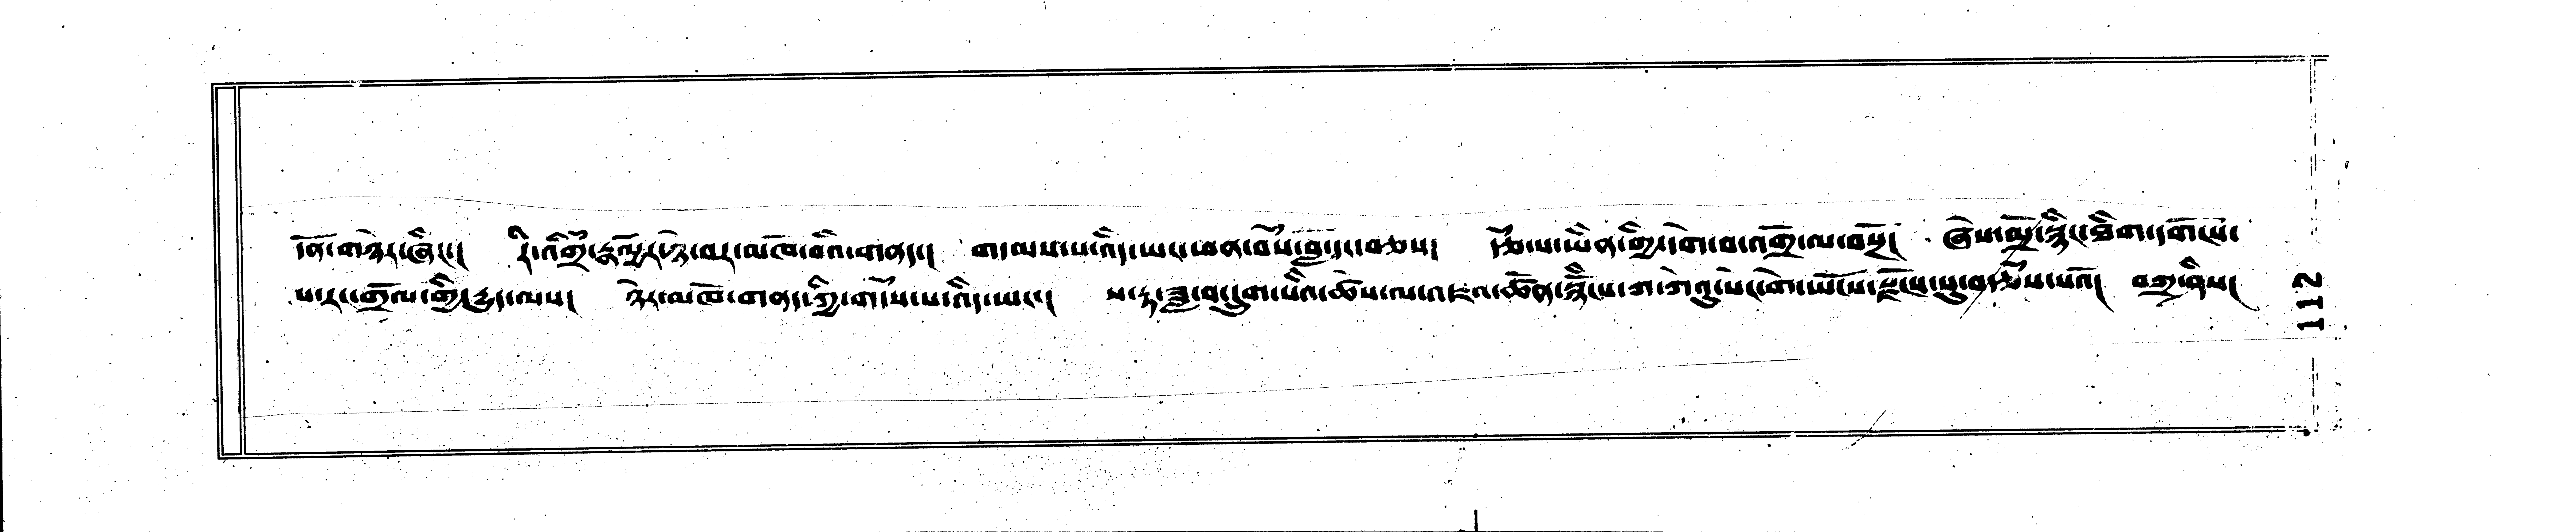དོན་གཉེར་ཞིང་། རི་འགྲིམས་རྣལ་འབྱོར་ཉེ་བར་མཁོ་བའི་གནད། །གདམས་པ་འདི་ཡང་ཕན་བསམ་བློ་དང་བཅས། །བརྩམ་པ་ཡིན་གྱི་དགེ་བ་འགྲོ་ལ་བསྔོ། །ཞེས་མཁའ་འགྲོ་སྙིང་ཐིག་དགོངས་
པ་རང་གྲོལ་གྱི་རྒྱུད་ལས། ཉེར་མཁོ་གནད་ཀྱི་གདམས་པ་འདི་ཡང་། ས་རྟ་ཟླ་བ་དྲུག་པའི་ཚེས་ལ་འཇའ་ཚོན་སྙིང་པོས་ཀ་ཀེའུ་སེང་གེ་ཡོངས་རྫོང་དུ་བརྩམས་པའོ།། །།བཀྲ་ཤིས། །